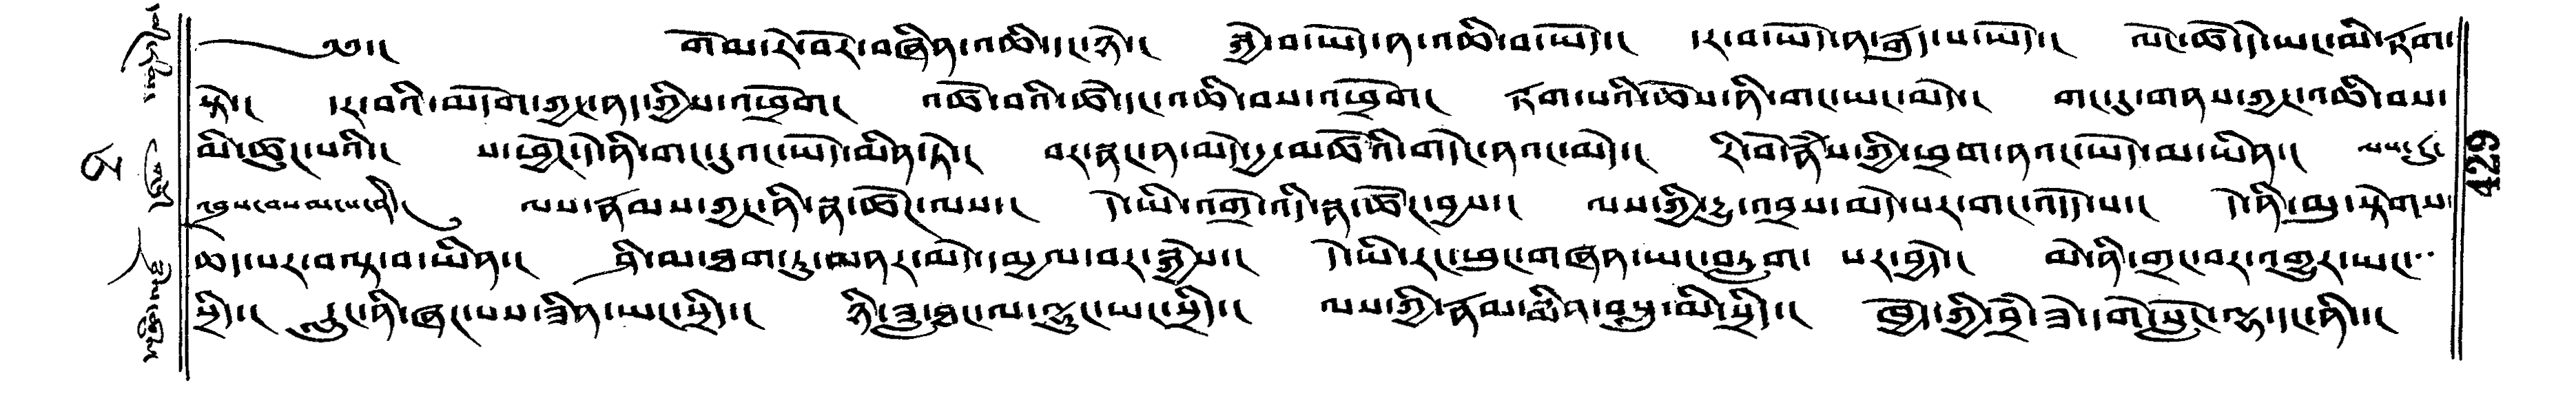།གོམ་རེ་བོར་བཞིན་འཆི་དང་ཉེ། །སྐྱེ་བ་ཡོད་ན་འཆི་བ་ཡོད། །དར་བ་ཡོད་ན་རྒུད་པ་ཡོད། །ལང་ཚོ་དེ་ཡང་མི་རྟག་
སྟེ། །དར་བའི་མདོག་ཀྱང་ནད་ཀྱིས་འཕྲོག །འཚོ་བའི་ཚེ་ཡང་འཆི་བས་འཕྲོག །རྟག་པའི་ཆོས་ནི་གང་ཡང་མེད། །གང་དུ་གནས་ཀྱང་འཆི་བས་
མི་ཚུགས་པའི། །ས་ཕྱོགས་དེ་ནི་གང་དུའང་ཡོན་མིན་ཏེ། །བར་སྣང་ན་མེད་རྒྱ་མཚོའི་གཏིང་ནའང་མེད། །རི་བོ་རྣམས་ཀྱི་ཕྲག་ནའང་ཡོད་མ་ཡིན། ལས་རྒྱུ་
འབྲས་བསམ་པ་ནི། ལས་རྣམས་ཀྱང་ནི་སྣ་ཚོགས་ལས། །དེ་ཡི་འགྲོ་འདི་སྣ་ཚོགས་བྱས། །ལས་ཀྱི་རྒྱུ་འབྲས་མེད་པར་གང་འདོད་པ། །དེ་ནི་མུ་སྟེགས་
ཆད་པར་བལྟ་བ་ཡིན། །ཤི་མ་ཐག་ཏུ་མནར་མེད་དམྱལ་བར་སྐྱེ། །དེ་ཡིས་རང་ཕུང་གཞན་ཡང་བརླག་པར་བྱེད། །མེ་ནི་གྲང་བར་འགྱུར་ཡང་
སྲིད། །རླུང་ནི་ཞགས་པས་ཟིན་ཡང་སྲིད། །ཉི་ཟླ་ཐང་ལ་ལྷུང་ཡང་སྲིད། །ལས་ཀྱི་རྣམ་སྨིན་བསླུ་མི་སྲིད། ཁྱོད་ཀྱི་བྲམ་ཟེ་དགེ་སློང་ལྷ་དང་ནི།